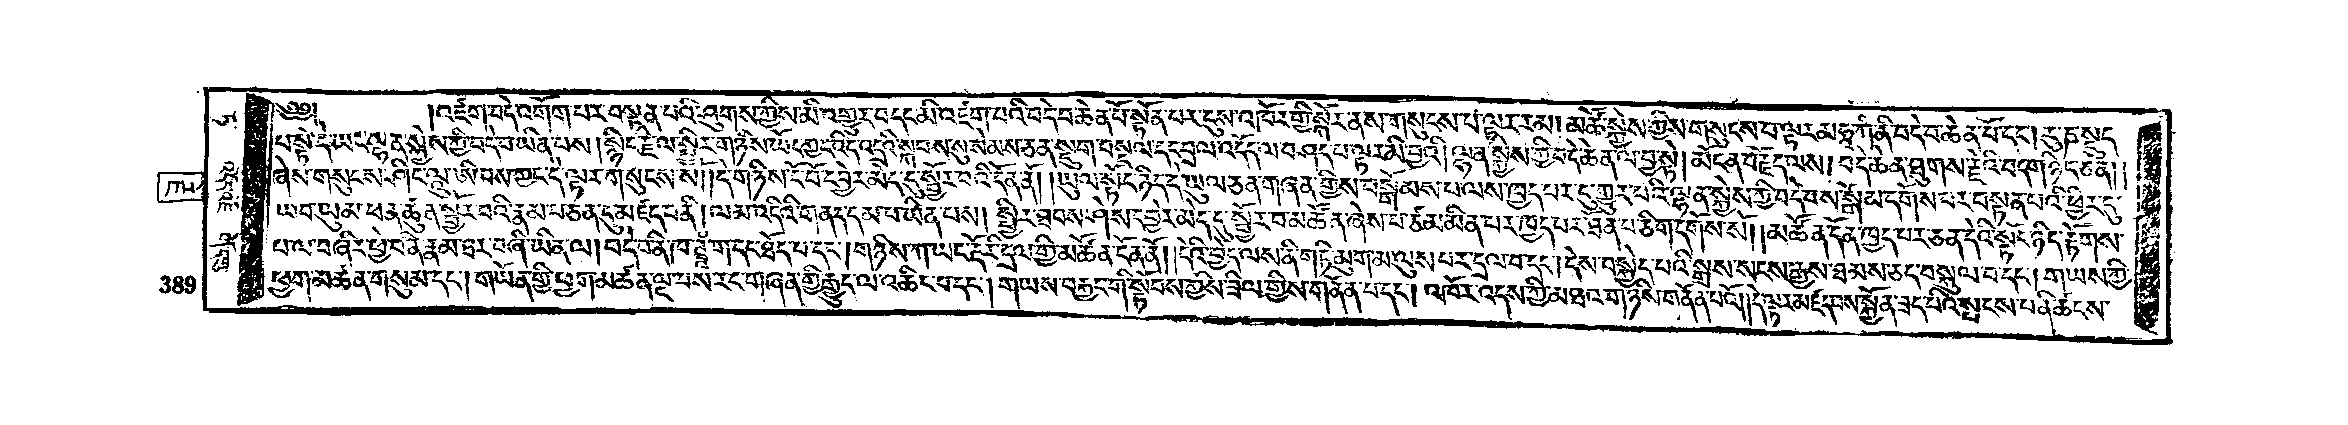༄༅། །འཛག་བདེ་འགོག་པར་བསྟན་པའི་ཤུགས་ཀྱིས་མི་འགྱུར་བ་དང་མི་འཛག་པའི་བདེ་བ་ཆེན་པོ་སྟོན་པར་དུས་འཁོར་གྱི་སྐོར་ནས་གསུངས་པ་ལྟར་རམ། མཚོ་སྐྱེས་ཀྱིས་གསུངས་པ་ལྟར་མཧཱ་ཀཾ་ནི་བདེ་བ་ཆེན་པོ་དང་། རུ་ཎ་སྡུད་
པ་སྟེ་དེ་ཡང་ལྷན་སྐྱེས་ཀྱི་བདེ་བ་ཡིན་པས། སྙིང་རྗེ་ལ་སྤྱིར་གཉིས་ཡོད་ཀྱང་འདི་འདྲའི་སྐབས་སུ་སེམས་ཅན་སྡུག་བསྔལ་དང་བྲལ་འདོད་ལ་བཤད་པ་ལྟར་མི་བྱའི། ལྷན་སྐྱེས་ཀྱི་བདེ་ཆེན་ལ་བྱ་སྟེ། མངོན་བརྗོད་ལས། བདེ་ཆེན་ཐུགས་རྗེའི་བདག་ཉིད་ཅན། །
ཞེས་གསུངས་ཤིང་ལཱུ་ཨི་པས་ཀྱང་དེ་ལྟར་གསུངས་སོ། །དེ་གཉིས་ངོ་བོ་དབྱེར་མེད་དུ་སྦྱོར་བའི་དོན་ནོ། །ཡུལ་སྟོང་ཉིད་དེ་ཡུལ་ཅན་གཞན་གྱིས་བསྒོམས་པ་ལས་ཁྱད་པར་དུ་གྱུར་པའི་ལྷན་སྐྱེས་ཀྱི་བདེ་བས་སྒོམ་དགོས་པར་བསྟན་པའི་ཕྱིར་དུ་
ཡབ་ཡུམ་ཕན་ཚུན་སྦྱོར་བའི་རྣམ་པ་ཅན་དུ་མཛད་པ་ནི། ལམ་འདིའི་གནད་དམ་པ་ཡིན་པས། སྤྱིར་ཐབས་ཤེས་དབྱེར་མེད་དུ་སྦྱོར་བ་མཚོན་ཞེས་པ་ཙམ་མིན་པར་ཁྱད་པར་ཐོན་པ་ཅིག་དགོས་སོ། །མཚོན་དོན་ཁྱད་པར་ཅན་དེའི་སྟོང་ཉིད་རྟོགས་
པ་ལ་བཞིར་ཕྱེ་བ་ནི་རྣམ་ཐར་བཞི་ཡིན་ལ། བདེ་བ་ནི་ཁ་ཊྭཱཾ་ག་དང་ཐོད་པ་དང་། གཉིས་ཀ་ཡང་རྡོར་རི་དྲལ་གྱི་མཚོན་དོན་ནོ། །དེའི་བྱེད་ལས་ནི་གཏི་མུག་མ་ལུས་པར་དྲལ་བ་དང་། དེས་བསྐྱེད་པའི་སྒྲས་སངས་རྒྱས་ཐམས་ཅད་བསྐུལ་བ་དང་། གྱས་ཀྱི་
ཕྱག་མཚན་གསུམ་དང་། གཡོན་གྱི་ཕྱག་མཚན་ལྔ་པས་རང་གཞན་གྱི་རྒྱུད་ལ་འཆིང་བ་དང་། གྱས་བརྐྱང་གི་སྟོབས་ཀྱིས་ཟིལ་གྱིས་གནོན་པ་དང་། འཁོར་འདས་ཀྱི་མཐའ་གཉིས་གནོན་པའོ། །དེ་ལྟར་མཛད་པས་སྐྱོན་ཟད་པའི་སྤངས་པ་ནི་ཚངས་